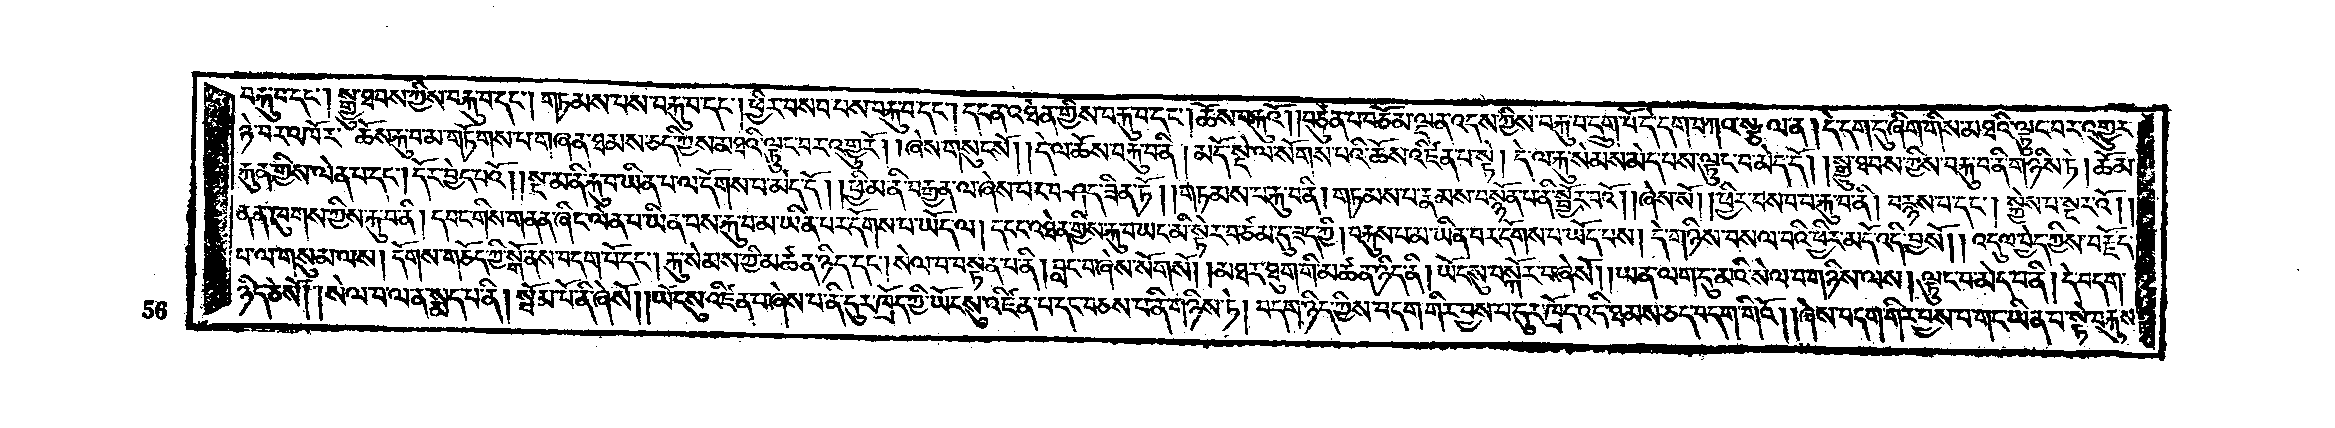བརྐུ་བ་དང་། སྒྱུ་ཐབས་ཀྱིས་བརྐུ་བ་དང་། གཏམས་པས་བརྐུ་བ་དང་། ཕྱིར་བསབ་པས་བརྐུ་བ་དང་། དངན་འཐེན་གྱིས་བརྐུ་བ་དང་། ཆོས་བརྐུའོ། །བཙུན་པ་བཅོམ་ལྡན་འདས་ཀྱིས་བརྐུ་བ་དྲུག་པོ་དེ་དག་བཀའ་སྩལ་ན། དེ་དག་དུ་ཞིག་གིས་མཐའི་ལྟུང་བར་འགྱུར་
ཉེ་བར་འཁོར་ཆོས་རྐུ་བ་མ་གཏོགས་པ་གཞན་ཐམས་ཅད་ཀྱིས་མཐའི་ལྟུང་བར་འགྱུར་རོ། །ཞེས་གསུངས་སོ། །དེ་ལ་ཆོས་བརྐུ་བ་ནི། མདོ་སྡེ་ལ་སོགས་པའི་ཆོས་འཛིན་པ་སྟེ། དེ་ལ་རྐུ་སེམས་མེད་པས་ལྟུང་བ་མེད་དོ། །སྒྱུ་ཐབས་ཀྱིས་བརྐུ་བ་ནི་གཉིས་ཏེ། ཆོམ་
རྐུན་གྱིས་ལེན་པ་དང་། དོར་བྱེད་པའོ། །སྔ་མ་ནི་རྐུ་བ་ཡིན་པ་ལ་དོགས་པ་མེད་དོ། །ཕྱི་མ་ནི་བརྒྱན་ལ་ཞེས་པར་བཤད་ཟིན་ཏོ། །གཏམས་པ་རྐུ་བ་ནི། གཏམས་པ་རྣམས་བསྙོན་པ་ནི་སྦྱོར་བའོ། །ཞེས་སོ། །ཕྱིར་བསབ་པ་རྐུ་བ་ནི། བརྙས་པ་དང་། སྐྱེས་པ་སྔར་འོ། །
ནན་ཁུགས་ཀྱིས་རྐུ་བ་ནི། དབང་གིས་གནན་ཞིང་ལེན་པ་ཡིན་པས་རྐུ་བ་མ་ཡིན་པར་དོགས་པ་ཡོད་ལ། དངང་འཐེན་གྱིས་རྐུ་བ་ཡང་མི་སྟེར་བ་ཙམ་དུ་ཟད་ཀྱི། བརྐུས་པ་མ་ཡིན་པར་དོགས་པ་ཡོད་པས། དེ་གཉིས་བསལ་བའི་ཕྱིར་མདོ་འདི་བྱས་སོ། །འདུལ་བྱེད་ཀྱིས་བརྗོད་
པ་ལ་གསུམ་ལས། དོགས་གཅོད་ཀྱི་སྒོ་ནས་བདག་པོ་དང་། རྐུ་སེམས་ཀྱི་མཚན་ཉིད་དང་། སེལ་བ་བསྟན་པ་ནི། བླང་བ་ཞེས་སོགས་སོ། །མཐར་ཐུག་གི་མཚན་ཉིད་ནི། ཡོངས་སུ་བསྐོར་བ་ཞེས་སོ། །ཡན་ལག་དུ་མའི་སེལ་བ་གཉིས་ལས། ལྟུང་བ་མེད་པ་ནི། དེ་བདག་
ཉིད་ཅེས་སོ། །སེལ་བ་ལ་ན་སྨད་པ་ནི། སྦོམ་པོ་ནི་ཞེས་སོ། །ཡོངས་སུ་འཛིན་པ་ཞེས་པ་ནི་དུར་ཁྲོད་ཀྱི་ཡོངས་སུ་འཛིན་པ་དང་བཅས་པ་ནི་གཉིས་ཏེ། བདག་ཉིད་ཀྱིས་བདག་གིར་བྱས་པ་དུར་ཁྲོད་འདི་ཐམས་ཅད་བདག་གིའོ། །ཞེས་བདག་གིར་བྱས་པ་གང་ཡིན་པ་སྟེ་བརྐུས་